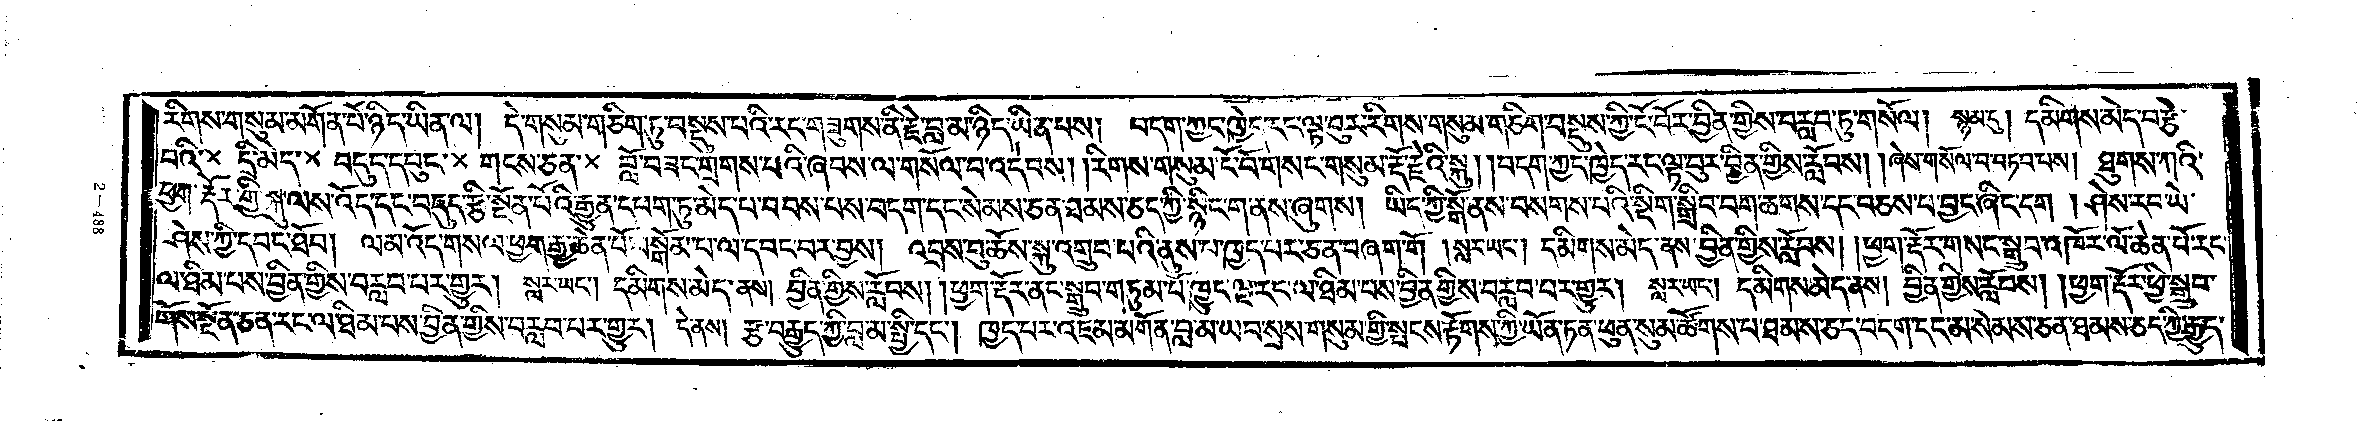རིགས་གསུམ་མགོན་པོ་ཉིད་ཡིན་ལ། དེ་གསུམ་གཅིག་ཏུ་བསྡུས་པའི་རང་གཟུགས་ནི་རྗེ་བླ་མ་ཉིད་ཡིན་པས། བདག་ཀྱང་ཁྱེད་རང་ལྟ་བུར་རིགས་གསུམ་གཅིག་བསྡུས་ཀྱི་ངོ་བོར་བྱིན་གྱིས་བརླབ་ཏུ་གསོལ། །སྙན་དུ། དམིགས་མེད་བརྩེ་
བའི་྾་དྲི་མེད་྾་བདུད་དཔུང་྾་གངས་ཅན་྾་བློ་བཟང་གྲགས་པའི་ཞབས་ལ་གསོལ་བ་འདེབས། །རིགས་གསུམ་ངོ་བོ་གངས་གསུམ་རྡོ་རྗེའི་སྐུ། །བདག་ཀྱང་ཁྱེད་རང་ལྟ་བུར་བྱིན་གྱིས་རློབས། །ཞེས་གསོལ་བ་བཏབ་པས། ཐུགས་ཀའི་
ཕྱག་རྡོར་གྱི་སྐུ་ལས་འོད་དང་བདུད་རྩི་སྔོན་པོའི་རྒྱུན་དཔག་ཏུ་མེད་པ་བབས་པས་བདག་དང་སེམས་ཅན་ཐམས་ཅད་ཀྱི་སྙིང་གནས་ཞུགས། ཡིད་ཀྱི་སྒོ་ནས་བསགས་པའི་སྡིག་སྒྲིབ་བག་ཆགས་དང་བཅས་པ་བྱང་ཞིང་དག །ཤེས་རབ་ཡེ་
ཤེས་ཀྱི་དབང་ཐོབ། ལམ་འོད་གསལ་ཕྱག་རྒྱན་ཆེན་པོ་བསྒོམ་པ་ལ་དབང་བར་བྱས། འབྲས་བུ་ཆོས་སྐུ་འགྲུབ་པའི་ནུས་པ་ཁྱད་པར་ཅན་བཞག་གོ། སླར་ཡང་། དམིགས་མེད་ནས་བྱིན་གྱིས་རློབས། །ཕྱག་རྡོར་གསང་སྒྲུབ་འཁོར་ལོ་ཆེན་པོ་རང་
ལ་ཐིམ་པས་བྱིན་གྱིས་བརླབ་པར་གྱུར། སླར་ཡང་། དམིགས་མེད་ནས། བྱིན་གྱིས་རློབས། །ཕྱག་རྡོར་ནང་སྒྲུབ་གཏུམ་པོ་ཁྱུང་ལྔ་རང་ལ་ཐིམ་པས་བྱིན་གྱིས་བརླབ་པར་གྱུར། སླར་ཡང་། དམིགས་མེད་ནས། བྱིན་གྱིས་རློབས། །ཕྱག་རྡོར་ཕྱི་སྒྲུབ་
གོས་སྔོན་ཅན་རང་ལ་ཐིམ་པས་བྱིན་གྱིས་བརླབ་པར་གྱུར། དེ་ནས། རྩ་བརྒྱུད་ཀྱི་བླ་མ་སྤྱི་དང་། ཁྱད་པར་འཇམ་མགོན་བླ་མ་བ་སྲས་གསུམ་གྱི་སྤངས་རྟོགས་ཀྱི་ཡོན་ཏན་ཕུན་སུམ་ཚོགས་པ་ཐམས་ཅད་བདག་དང་མ་སེམས་ཅན་ཐམས་ཅད་ཀྱི་རྒྱུད་